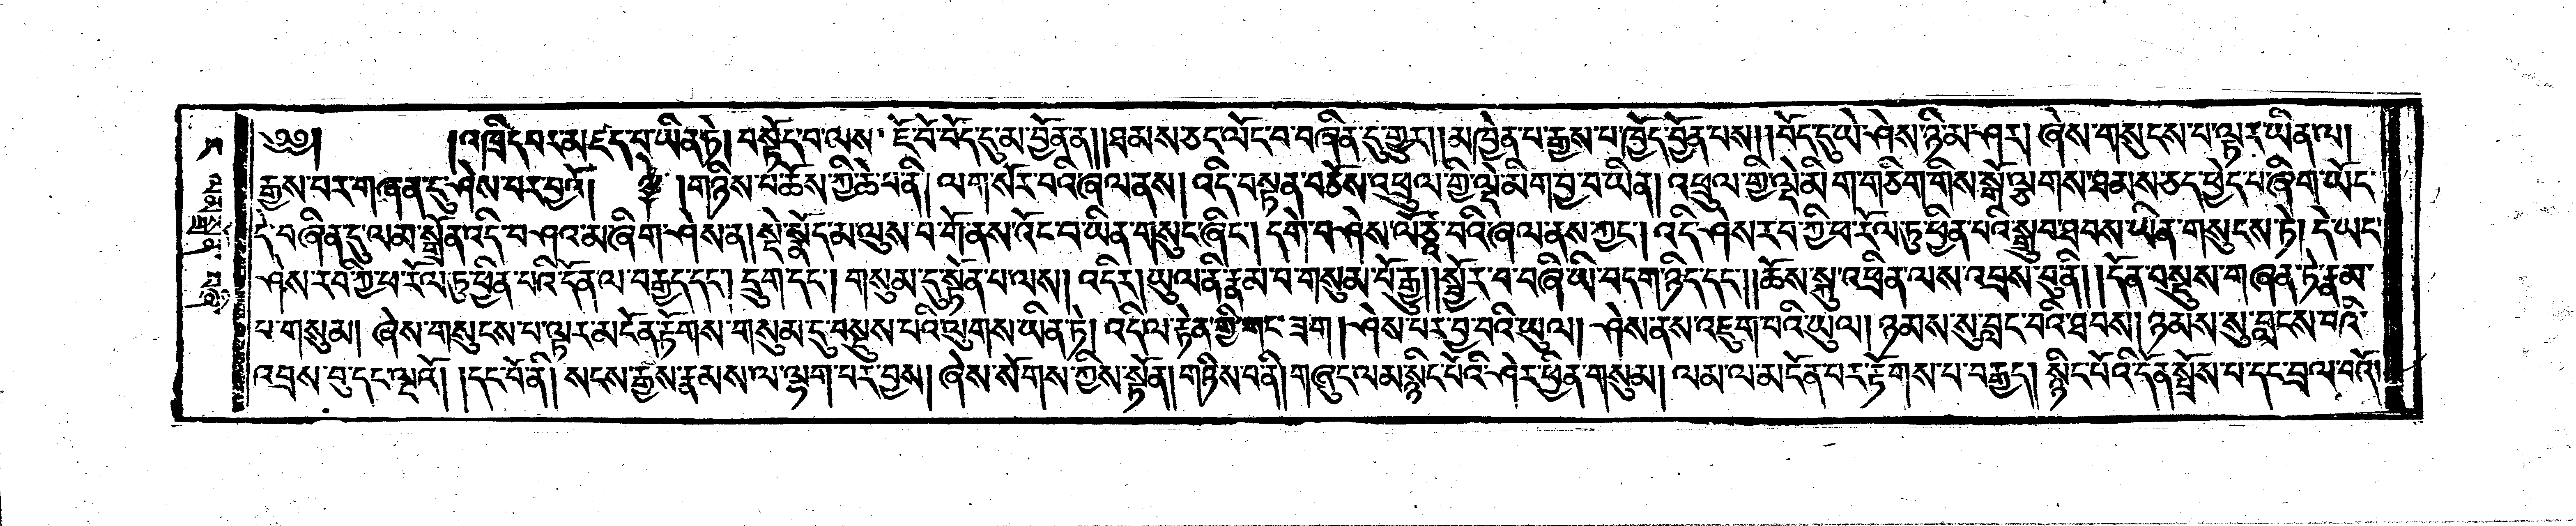༄༅། །འཁྲིད་པར་མཛད་པ་ཡིན་ཏེ། བསྟོད་པ་ལས། ཇོ་བོ་བོད་དུ་མ་བྱོན་ན། །ཐམས་ཅད་ལོང་བ་བཞིན་དུ་གྱུར། །མཁྱེན་པ་རྒྱས་པ་ཁྱོད་བྱོན་པས། །བོད་དུ་ཡེ་ཤེས་ཉི་མ་ཤར། ཞེས་གསུངས་པ་ལྟར་ཡིན་ལ།
རྒྱས་པར་གཞན་དུ་ཤེས་པར་བྱའོ། ༈ །གཉིས་པ་ཆོས་ཀྱི་ཆེ་བ་ནི། ལག་སོར་བའི་ཞལ་ནས། འདི་བསྟན་བཅོས་འཕྲུལ་གྱི་ལྡེ་མིག་བྱ་བ་ཡིན། འཕྲུལ་གྱི་ལྡེ་མིག་གཅིག་གིས་སྒོ་ལྕགས་ཐམས་ཅད་བྱེད་པ་ཞིག་ཡོང་།
དེ་བཞིན་དུ་ལམ་སྒྲོན་འདི་བཤའ་མ་ཞིག་ཤེས་ན། སྡེ་སྣོད་མ་ལུས་པ་གོ་ནས་འོང་བ་ཡིན་གསུང་ཞིང་། དགེ་བཤེས་ལོ་ཙཱ་བའི་ཞལ་ནས་ཀྱང་། འདི་ཤེས་རབ་ཀྱི་ཕ་རོལ་ཏུ་ཕྱིན་པའི་སྒྲུབ་ཐབས་ཡིན་གསུངས་ཏེ། དེ་ཡང་
ཤེས་རབ་ཀྱི་ཕ་རོལ་ཏུ་ཕྱིན་པའི་དོན་ལ་བརྒྱད་དང་། དྲུག་དང་། གསུམ་དུ་སྟོན་པ་ལས། འདིར། ཡུལ་ནི་རྣམ་པ་གསུམ་པོ་རྒྱུ། །སྦྱོར་བ་བཞི་ཡི་བདག་ཉིད་དང་། །ཆོས་སྐུ་འཕྲིན་ལས་འབྲས་བུ་ནི། །དོན་བསྡུས་གཞན་ཏེ་རྣམ་
པ་གསུམ། ཞེས་གསུངས་པ་ལྟར་མངོན་རྟོགས་གསུམ་དུ་བསྡུས་པའི་ལུགས་ཡིན་ཏེ། འདི་ལ་རྟེན་གྱི་གང་ཟག །ཤེས་པར་བྱ་བའི་ཡུལ། ཤེས་ནས་འཇུག་པའི་ཡུལ། ཉམས་སུ་བླང་པའི་ཐབས། ཉམས་སུ་བླངས་པའི་
འབྲས་བུ་དང་ལྔའོ། །དང་པོ་ནི། སངས་རྒྱས་རྣམས་ལ་ལྷག་པར་བྱས། ཞེས་སོགས་ཀྱིས་སྟོན། གཉིས་པ་ནི། གཞུང་ལམ་སྙིང་པོའི་ཤེར་ཕྱིན་གསུམ། ལམ་ལ་མངོན་པར་རྟོགས་པ་བརྒྱད། སྙིང་པོའི་དོན་སྤྲོས་པ་དང་བྲལ་བའོ། །